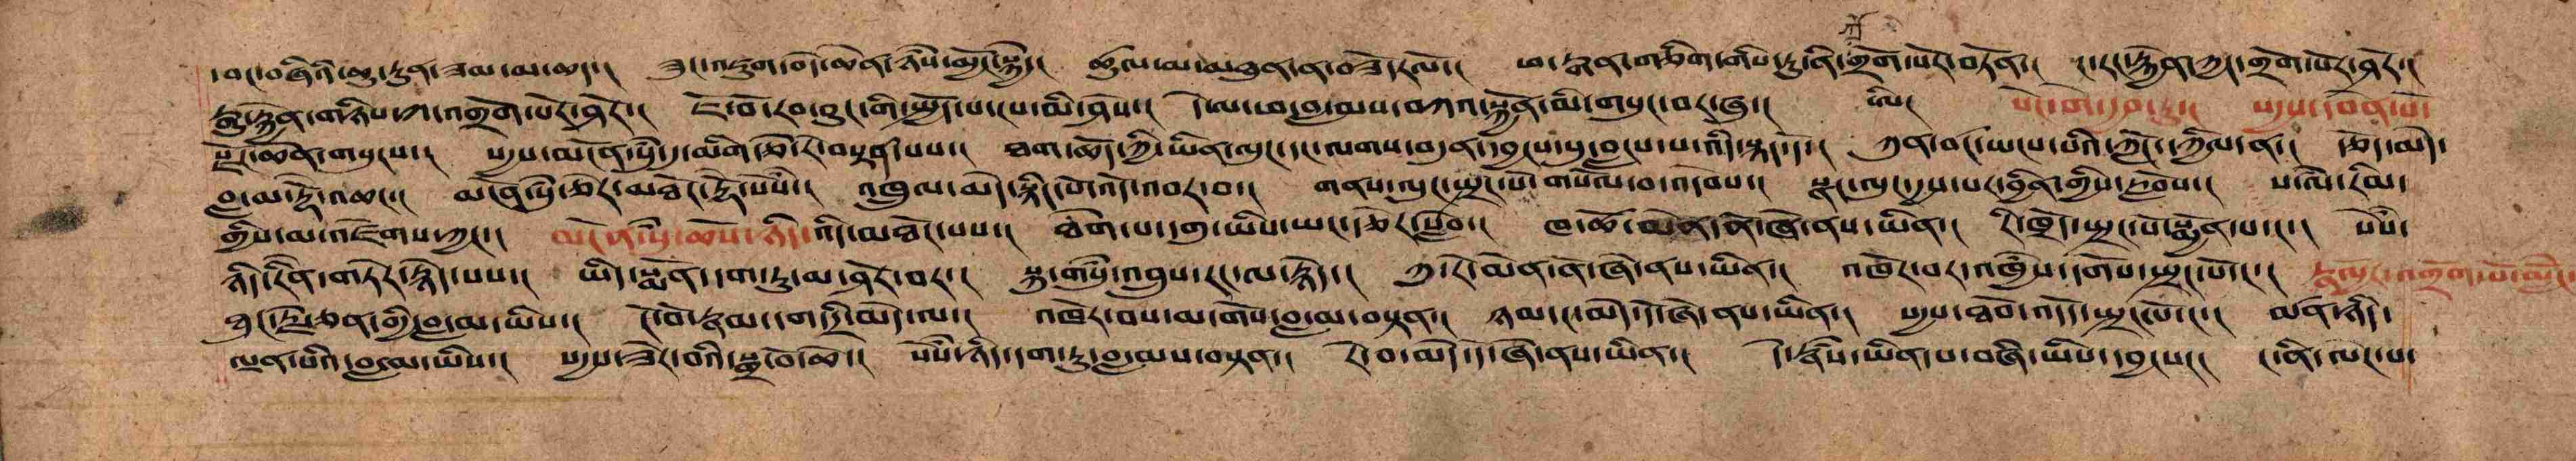དབང་བཞིའི་ཆུ་རྒྱུན་ཟམ་མ་ཆད།། ཟུང་འཇུག་བདེ་ཆེན་ཉམས་མྱོང་སྐྱེ།། ཚུལ་མ་མཐུན་ན་བཟོད་པར་གསོལ།། ཕ་རྒན་གཅིག་གིས་རྒྱུ་ནི་གྲོགས་པོར་བཏོན།། ང་རང་རྐྱེན་ནི་གྲོགས་པོར་ཤོར།། 
རྒྱུ་རྐྱེན་གཉིས་ཀ་གྲོགས་པོར་ཤོར།།་ཇོ་བོ་རབ་བྱུང་གི་སྤྱོད་པ་ངས་མི་ཤེས།། དེ་ལ་ཕ་བླ་མས་བཀའ་སྐྱོན་མི་གསུང་བར་ཞུ།། ཨི།། སེང་གེ་རྒྱབ་ཏུ།། སངས་རྒྱས་དབོན་པོ་
རྫོགས་ཆེན་གསུངས།། སངས་རྒྱས་མངོན་སུམ་དུ་མིག་ཅེ་རེ་བསྟན་པས།། ཐག་ཆོད་ཀྱི་ཡིན་ལུགས་དང་ལགས་བདུན་དབྱངས་དབྱངས་སུ་བླངས་པ་འདི་སྐད་དོ།། ཀུན་བཟང་ཡངས་པའི་ཀློང་དཀྱིལ་ན།། རྩོད་མེད་
བླ་མ་རྡོ་རྗེ་འཆང་།། མངོན་སུམ་ཅེར་མཐོང་རྡོ་རྗེ་སེམས།། འཁྲུལ་མེད་སྙིང་པོ་འོད་འབར་བ།། གནས་ལུགས་སྤྲང་པོ་གསོལ་བ་འདེབས།། སྣང་ལུགས་རྒྱས་པར་བྱིན་གྱིས་རློབས།། ས་ལམ་རིམ་
གྱིས་མ་འཛེགས་ཀྱང་།། མངོན་སུམ་ཆོས་ཉིད་འདི་མཐོང་བས།། ཐེག་པ་དགུ་ཡི་ཡང་རྩེར་སླེབས།། ཁ་ཚོ་མེན་ནོ་ཞེ་ནས་ཡིན།། རི་ཁྲོད་སྤྲང་པོ་སྨྱོན་པ་ང་།། སེམས་
ཉིད་རིན་ཆེན་གཏེར་རྙེད་པས།། ཡིད་སྨོན་དག་ཏུ་མ་ཤོར་བར།། སྐུ་གསུམ་འབྲས་བུ་རང་ལ་རྙེད།། ཀུ་རེ་མིན་ནོ་ཞེ་ནས་ཡིན།། འཁོར་བར་འཁྱམས་དགོས་སྤྲང་པོ་ང་།། རྣལ་འབྱོར་འགྲོག་པོ་མེ་ལོང་།། 
ཐུགས་རྗེ་ཅན་གྱི་བླ་མ་ཡིས།། ངོ་བོ་རྣམ་དག་དྲི་མེད་ལ།། འཁོར་བས་མ་གོས་བླ་མ་བསྟན།། ཉམ་ང་མེད་དེ་ཞེ་ནས་ཡིན།། སངས་རྒྱས་ཐོབ་འདོད་སྤྲང་པོ་ང་།། མཚན་ཉིད་
ལྡན་པའི་བླ་མ་ཡིས།། སངས་རྒྱས་ཟེར་བའི་སྒྲ་བོ་ཆེ།། སེམས་ཉིད་དག་ཏུ་བླ་མས་བསྟན།། རེ་བ་མེད་དོ་ཡེ་ནས་ཡིན།། དེ་རྣམས་ཡིན་པ་བཞི་ཡི་དབྱངས།། ང་ནི་ལགས་པ་